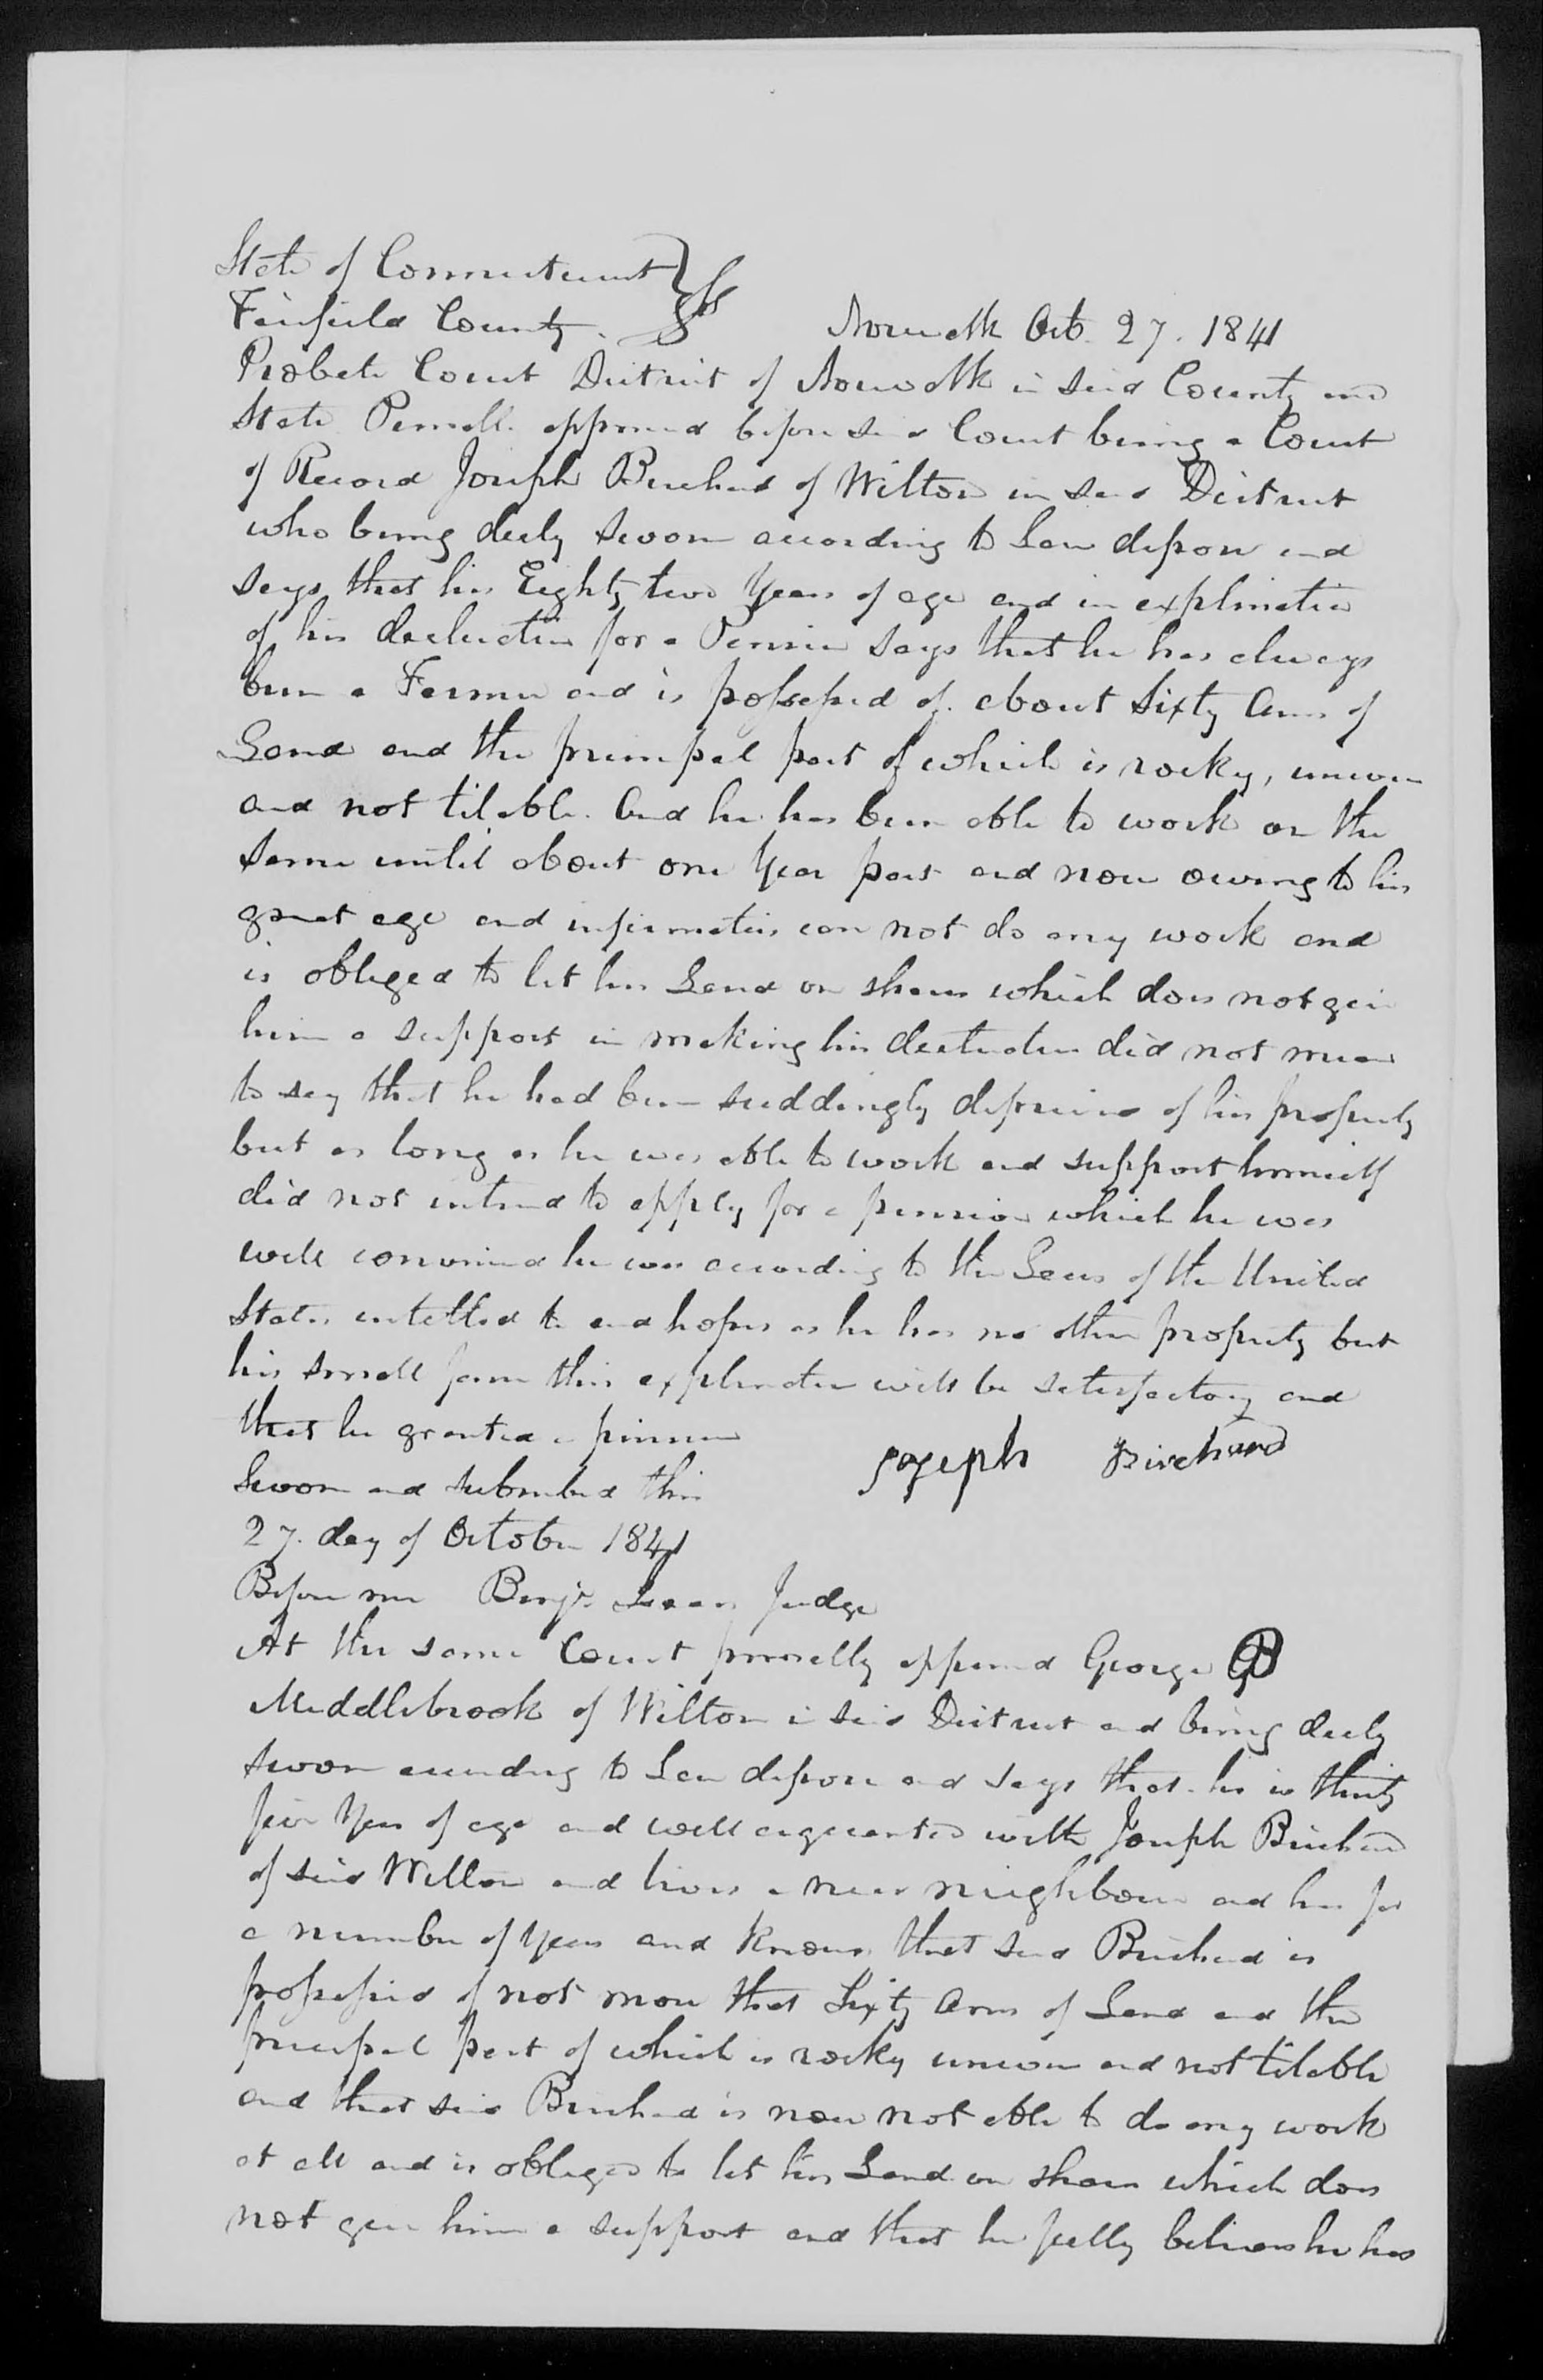State of Connecticut}
Fairfield County} Ss. Norwalks Oct. 27 1841

Probate Court District of Norwalk in said County and State. Personally appeared before said Court being a Court of Record Joseph Birchard of Wilton in said District who being duly sworn according to law deponent says that he is Eighty Two years of age and in explanation of is declaration fo a Pension says that he has always been a farmer and is possessed of about sixty acres of land and the principal part of which is rocky, [illegible] and not tillable and he has been able to work or the same until about one year past and now owing to his great age and infirmities can not do any work and is obliged to let his Land on show which & on not general a support in making him destitute did not mean to say that he had been suddenly [illegible] of his property but as long as he was able to work and support himself he did not intend to apply for a pension which he was well convinced he was according to the Law of the United States entitled to and hopes as he has no other property but his small farm this explanation will be satisfactory and that he granted a pension. 
     Jospeh Birchard
Sworn and Subscribed this 27 day of October 1841
Before me Benj. Isaac Judge.

At the same Court personally appeared George B. Middlebrook of Wilton in said District being duly sworn according to law depose and says that he is thirty four years of age and well acquainted with Joseph Birchard of said Wilton and he is a near neighbor and has for a number of years and knows that said Birchard is possessed of not more than sixty acres of land and the principal part of which is rocky [illegible] and not tilable and that said Birchard is now not able to do any work at all is obliged to let his land on [illegible] which does not get him a support and that he fully believes he has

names: Birchard, Joseph Birchard, Birchard, Benj Isaacs, Joseph Birchard, Joseph Birchard, George B Middlebrook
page: 6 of 18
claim: rejected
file: R. 844, Joseph Birchard, Conn.